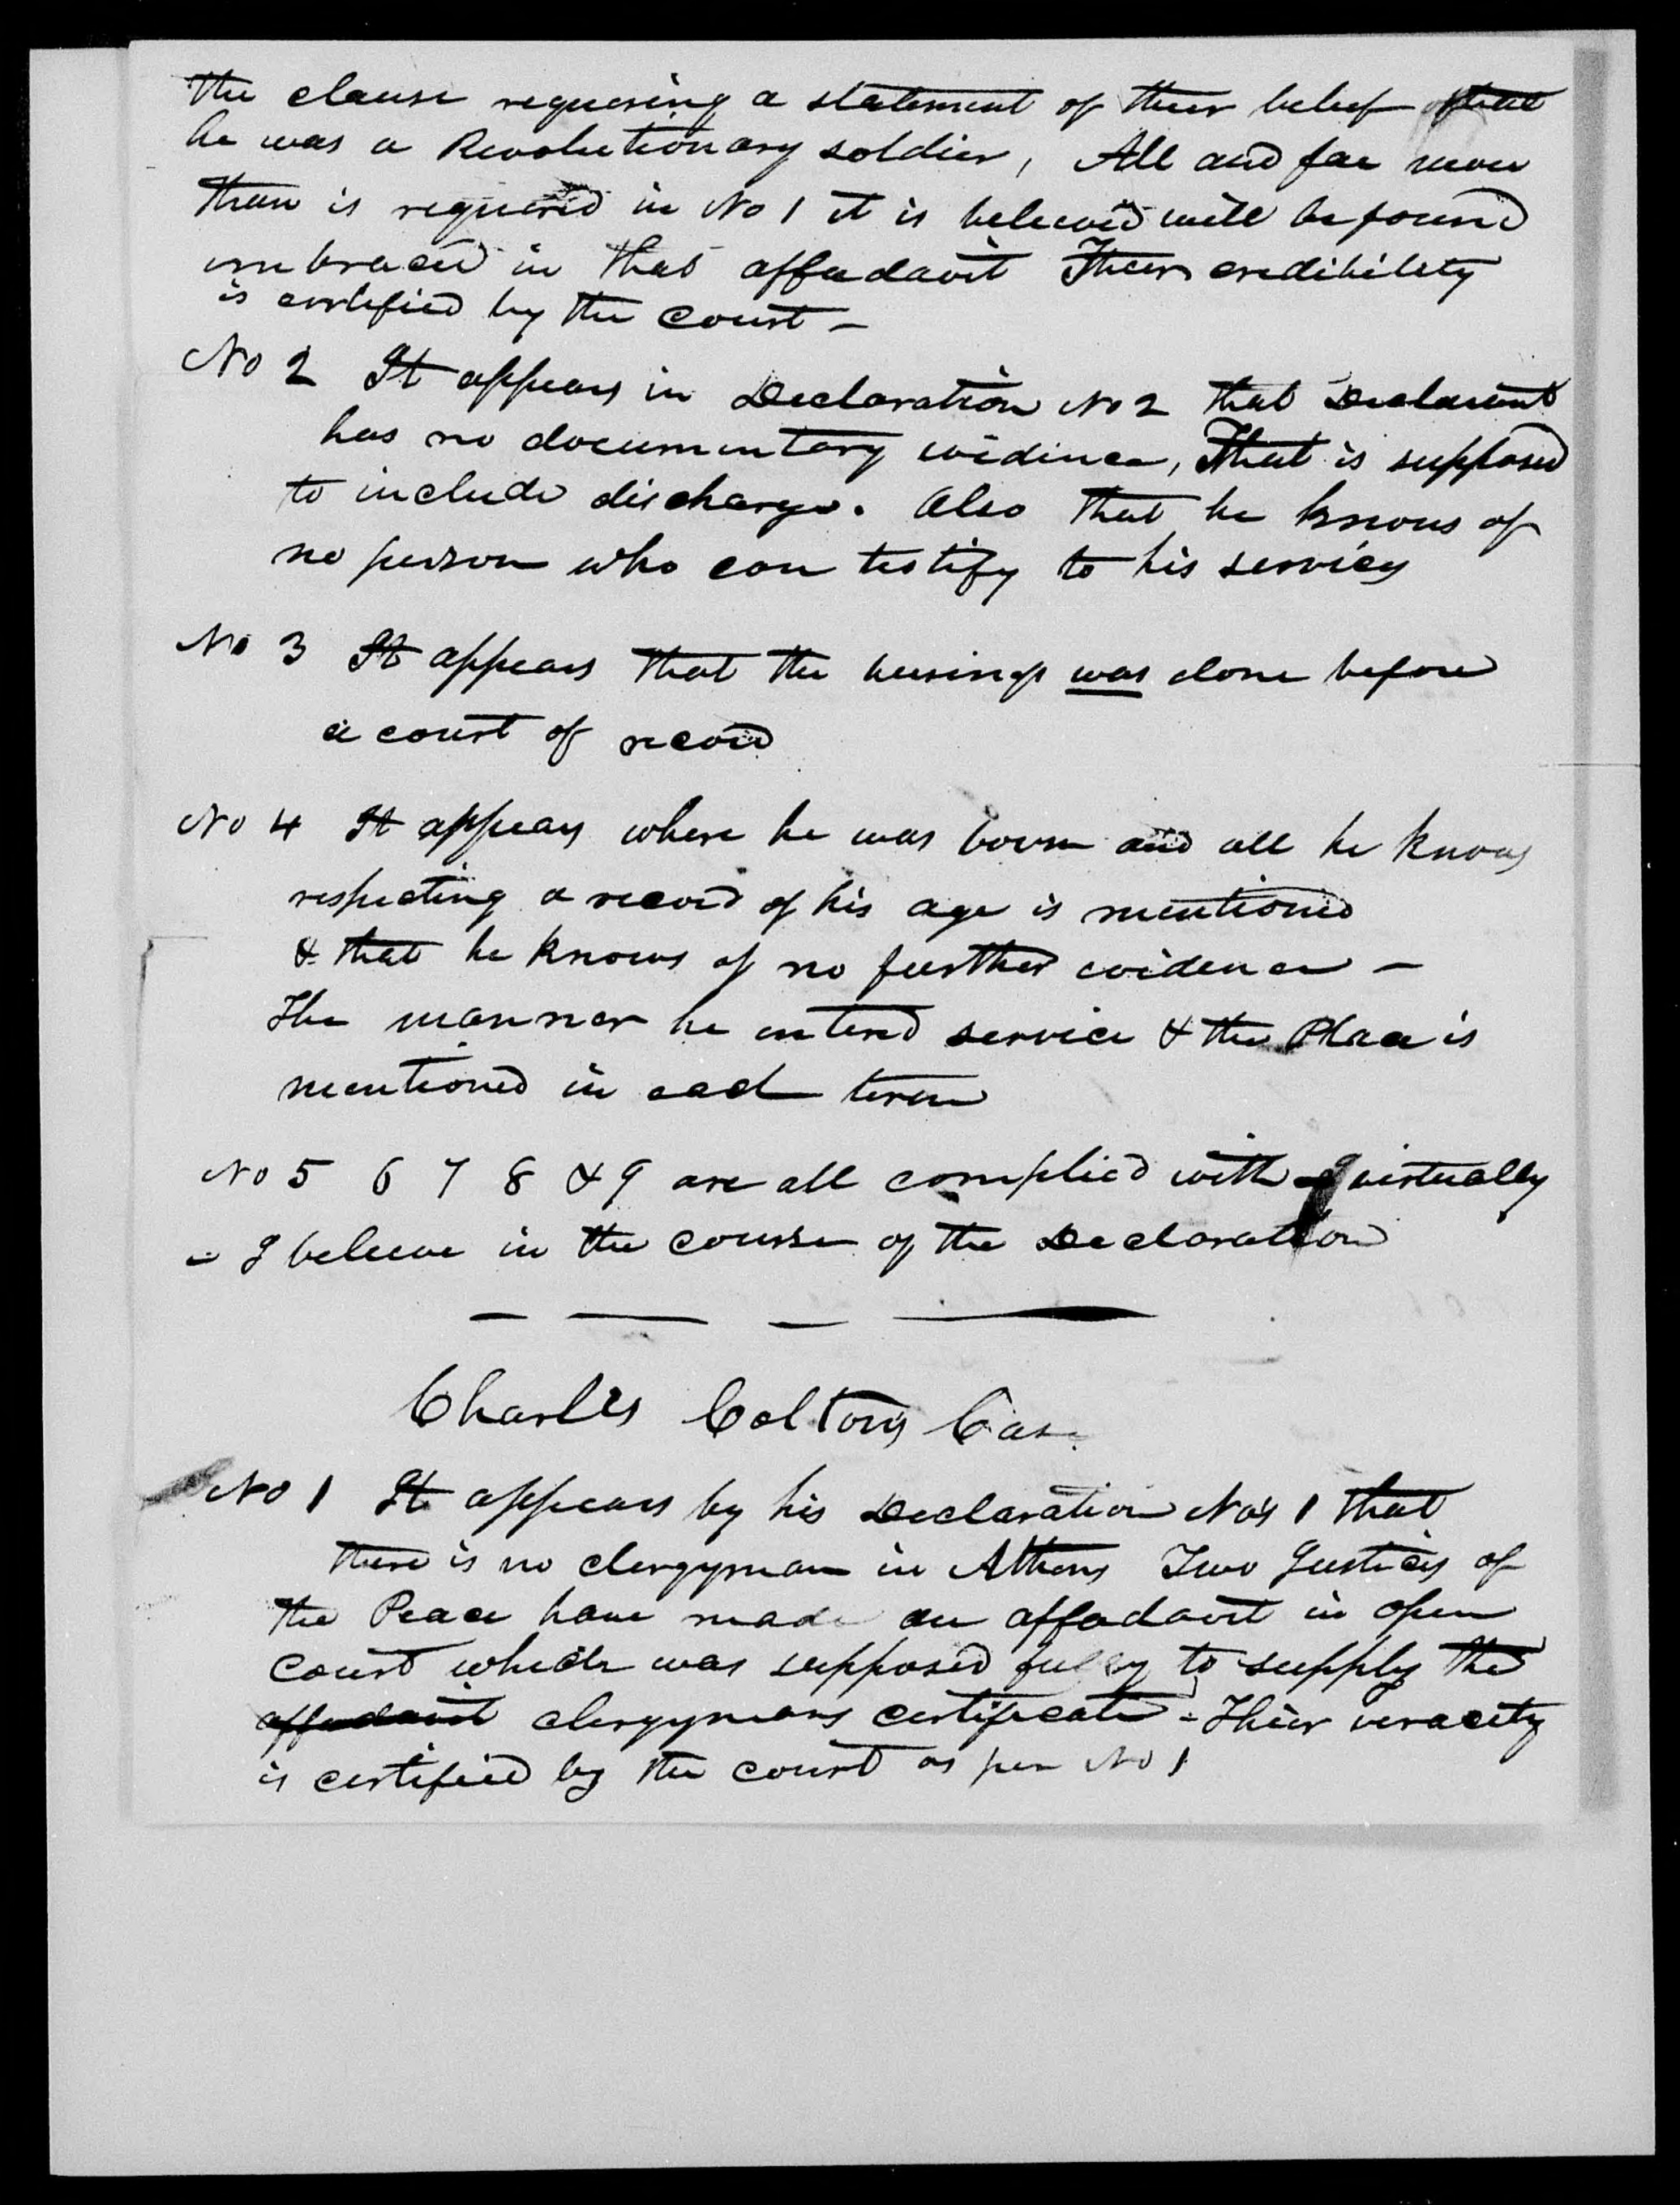the clause requiring a statement of their belief that he was a Revolutionary soldier, All and far more than is required in No 1 it is believes will be found embraced in that affidavit their credibility is certified by the court.
No 2  It appears in Declaration No 2 that declarant has no documentary evidence, that is supposed to include discharge. Also that he knows of
no person who can testify to his services
No 3  It appears that the hearings was done before Court of record
No 4  It appears where he was born and all he knows respecting a record of his age is mentioned & that he knows of no further evidence. The manner he entered service & the place is mentioned in each term
No 5 6 7 8 & 9  are all complied with actually - I believe in the course of the Declaration

Charles Colton's Case
No 1  It appears by his Declaration No's 1 that there is no clergyman in Athens Two Justices of the Peace have made an affidavit in open
Court which was supposed fully to supply the [crossed out: affidavit] clergymans certificate. Their veracity is certified by the Court as per No 1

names: Charles Cotton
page: 44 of 49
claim: widow's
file: W. 2164, for George Porter, Massachusetts